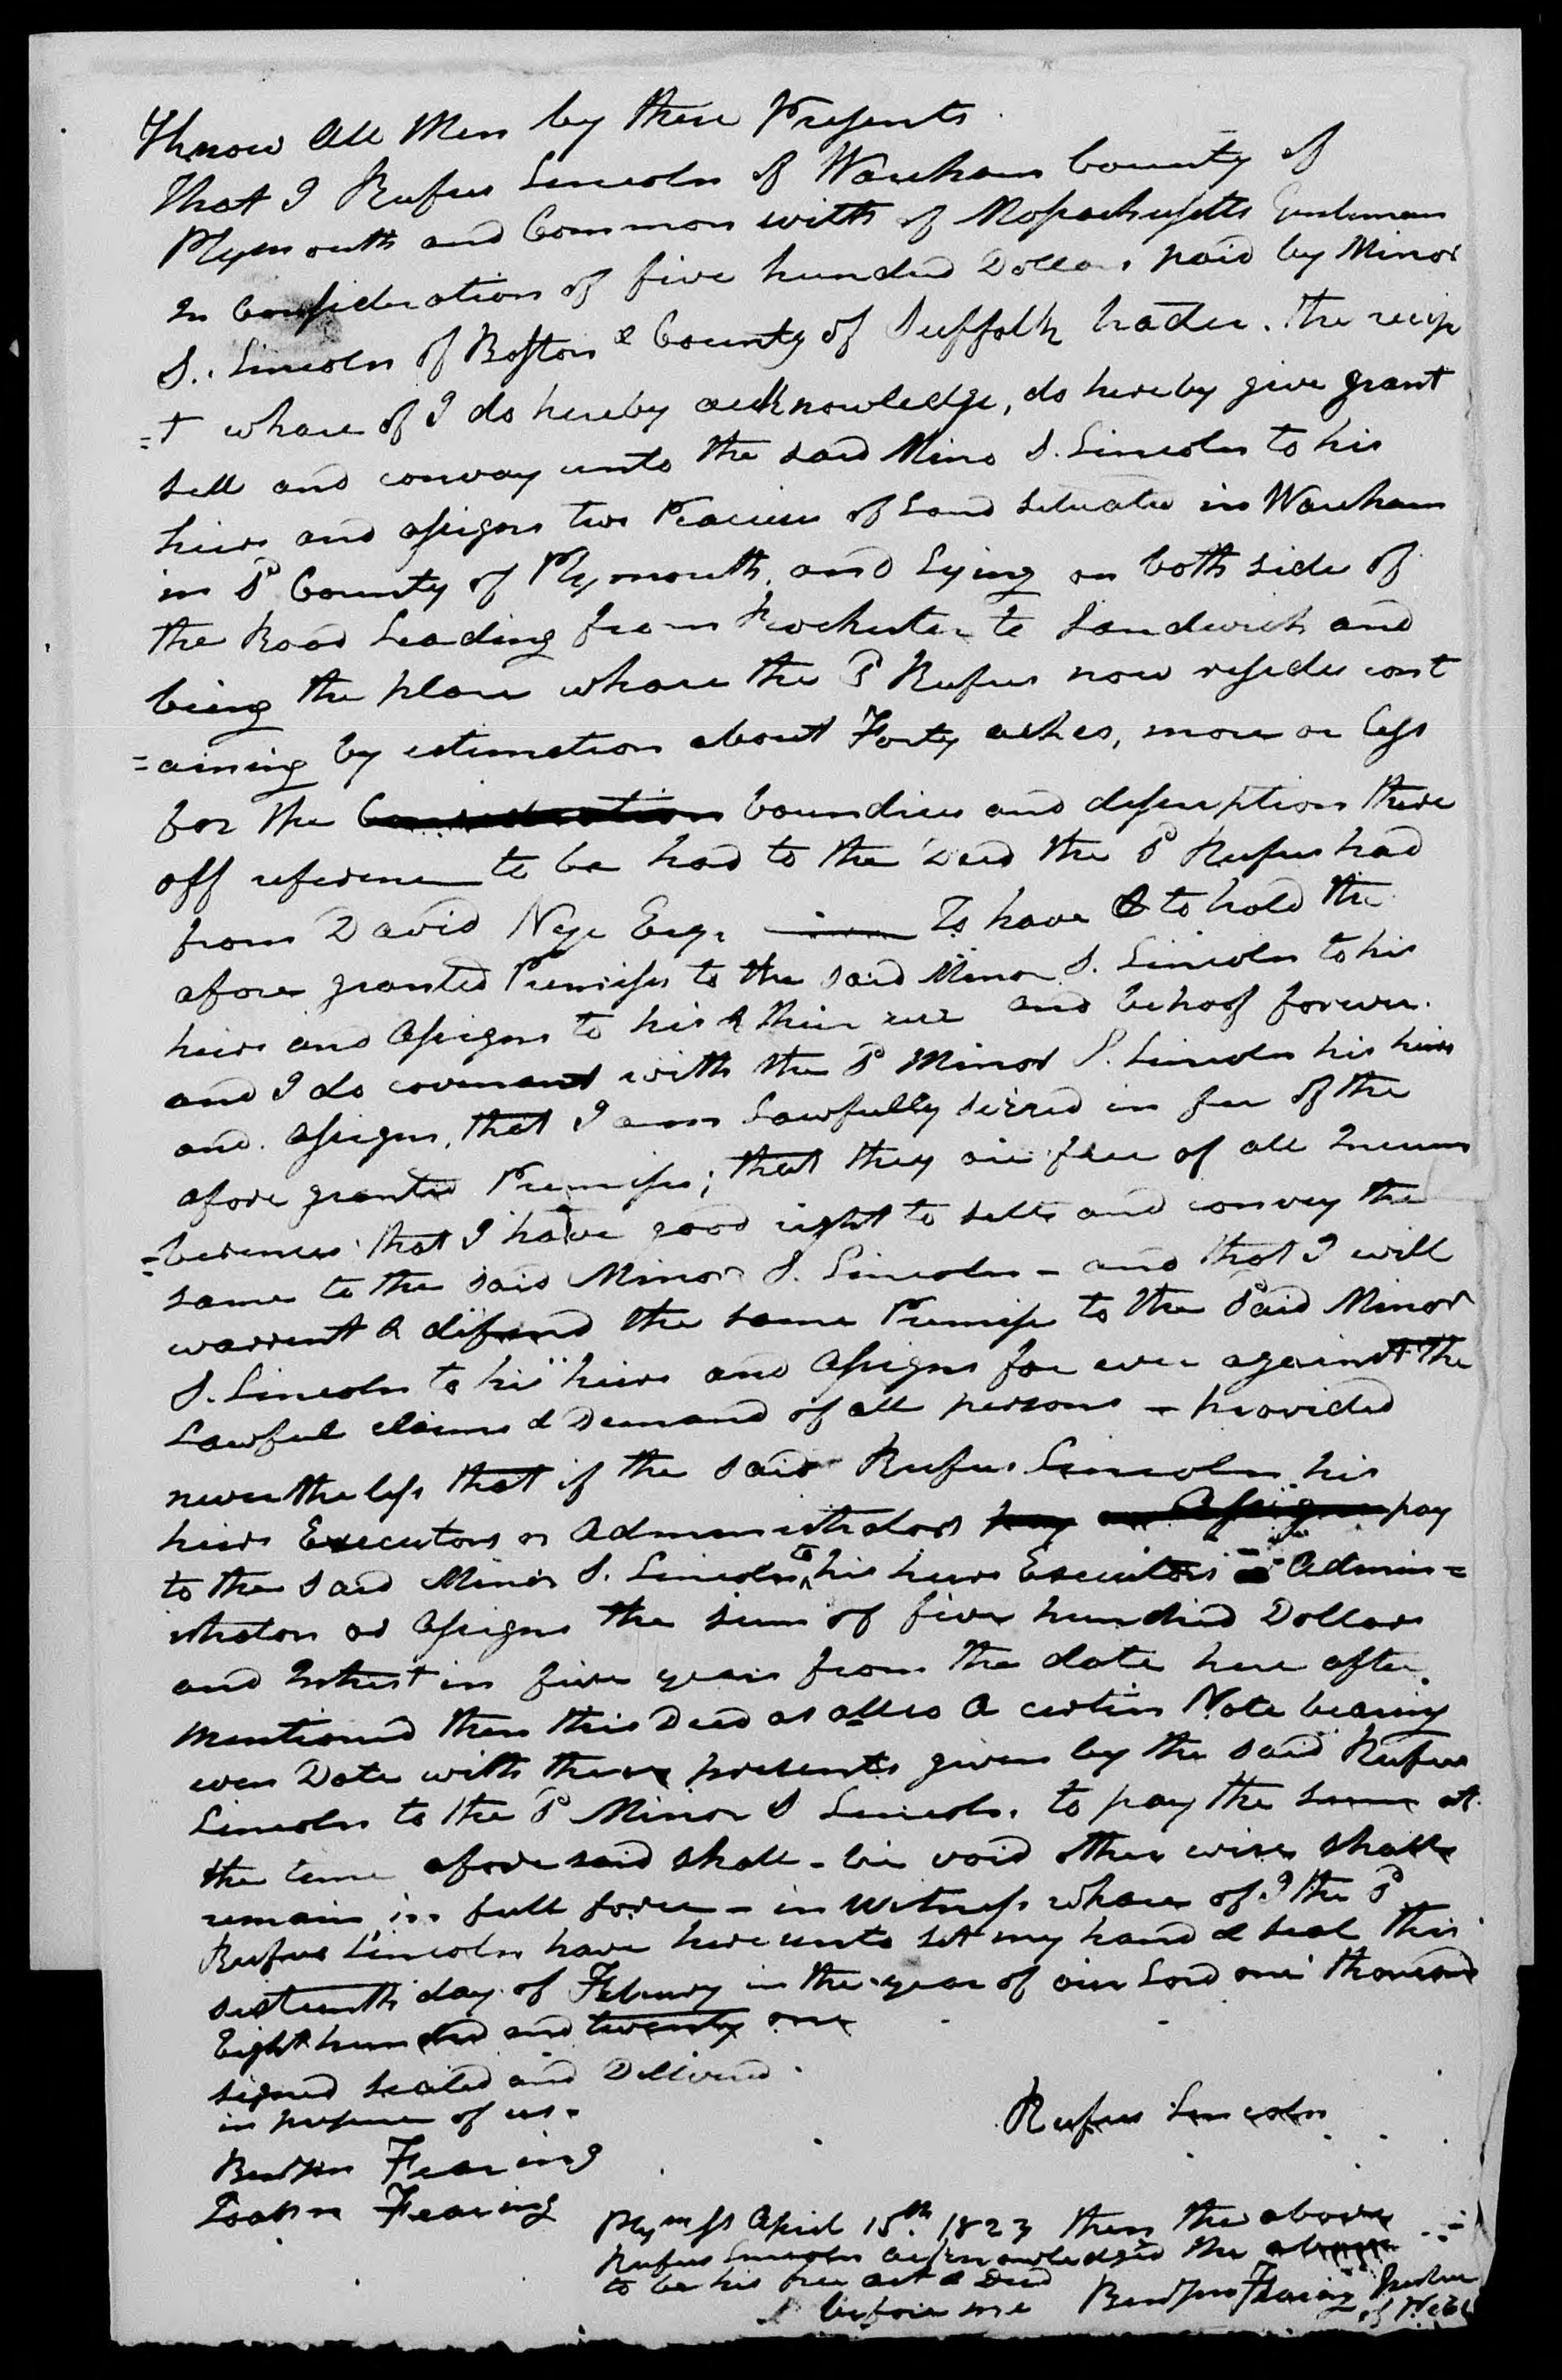Know all men by these presents
That I Rufus Lincoln of Wareham County of
Plymouth and commons with of Massachusetts greatness. In Consideration of five hundred Dollars paid by Minor S. Lincoln of Boston & County of Suffolk (Illegible), the receipt
whereof I do hereby acknowledge, do hereby give gran sell and convey unto the said Minor S. Lincoln to his heirs and assigns two acres of Land situated in Wareham in said County of Plymouth, and lying on both side of
the Road leading from Rochester to Sandwich and being the place whose the sd Rufus now resides containing by estimation about forty acres, more or less for the boundaries and description there off reference to be had to the Deed the sd Rufus had from David Ney Esq- --To have & to hold the afore granted premises to the said Minor S. Lincoln to his
heirs and assigns to his said Minor all will be had forever. and I do covenant with the sd Minor P. Lincoln his heirs and assigns, that I am lawfully served in for of the afore granted Premises; that they on free of all encumbrances that I have good right to sell and convey the same to the said Minor S. Lincoln and that I will warrant & defend the same premises to the said Minor
S. Lincoln to his heirs and assigns for ever against the lawful claims & Demand of all persons - Provide nevertheless that if the said Rufus Lincoln his heirs Executors or Administrators pay to the said Minor S. Lincoln to his heirs Executors administrators and assigns the sum of five hundred Dollars
and Interest in five years from the date here after mentioned then this deed is also a certain Note bearing this date with the presents given by the said Rufus Lincoln to the Minor S Lincoln to pay the same at the time aforesaid shall be void otherwise shall remain in full forever in witness whereof I the sd Rufus Lincoln have hereunto set my hand & seal this
sixteenth day of February in the year of our Lord one thousand Eight hundred and twenty one.  igned sealed and Delivered
in presence of us
Bradfod Fearing
John Fearing
Plymouth ss. April 15th 1823 then the above
Rufus Lincoln  acknowledged the above
to be his free act & Deed
before me Bradford Fearing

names: David Nye; Minor S Lincoln; Benjan Fearing; Bradford Fearing; Rufus Lincoln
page: 49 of 82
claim: widow's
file: W. 13,634, for Rufus Lincoln, Massachusetts